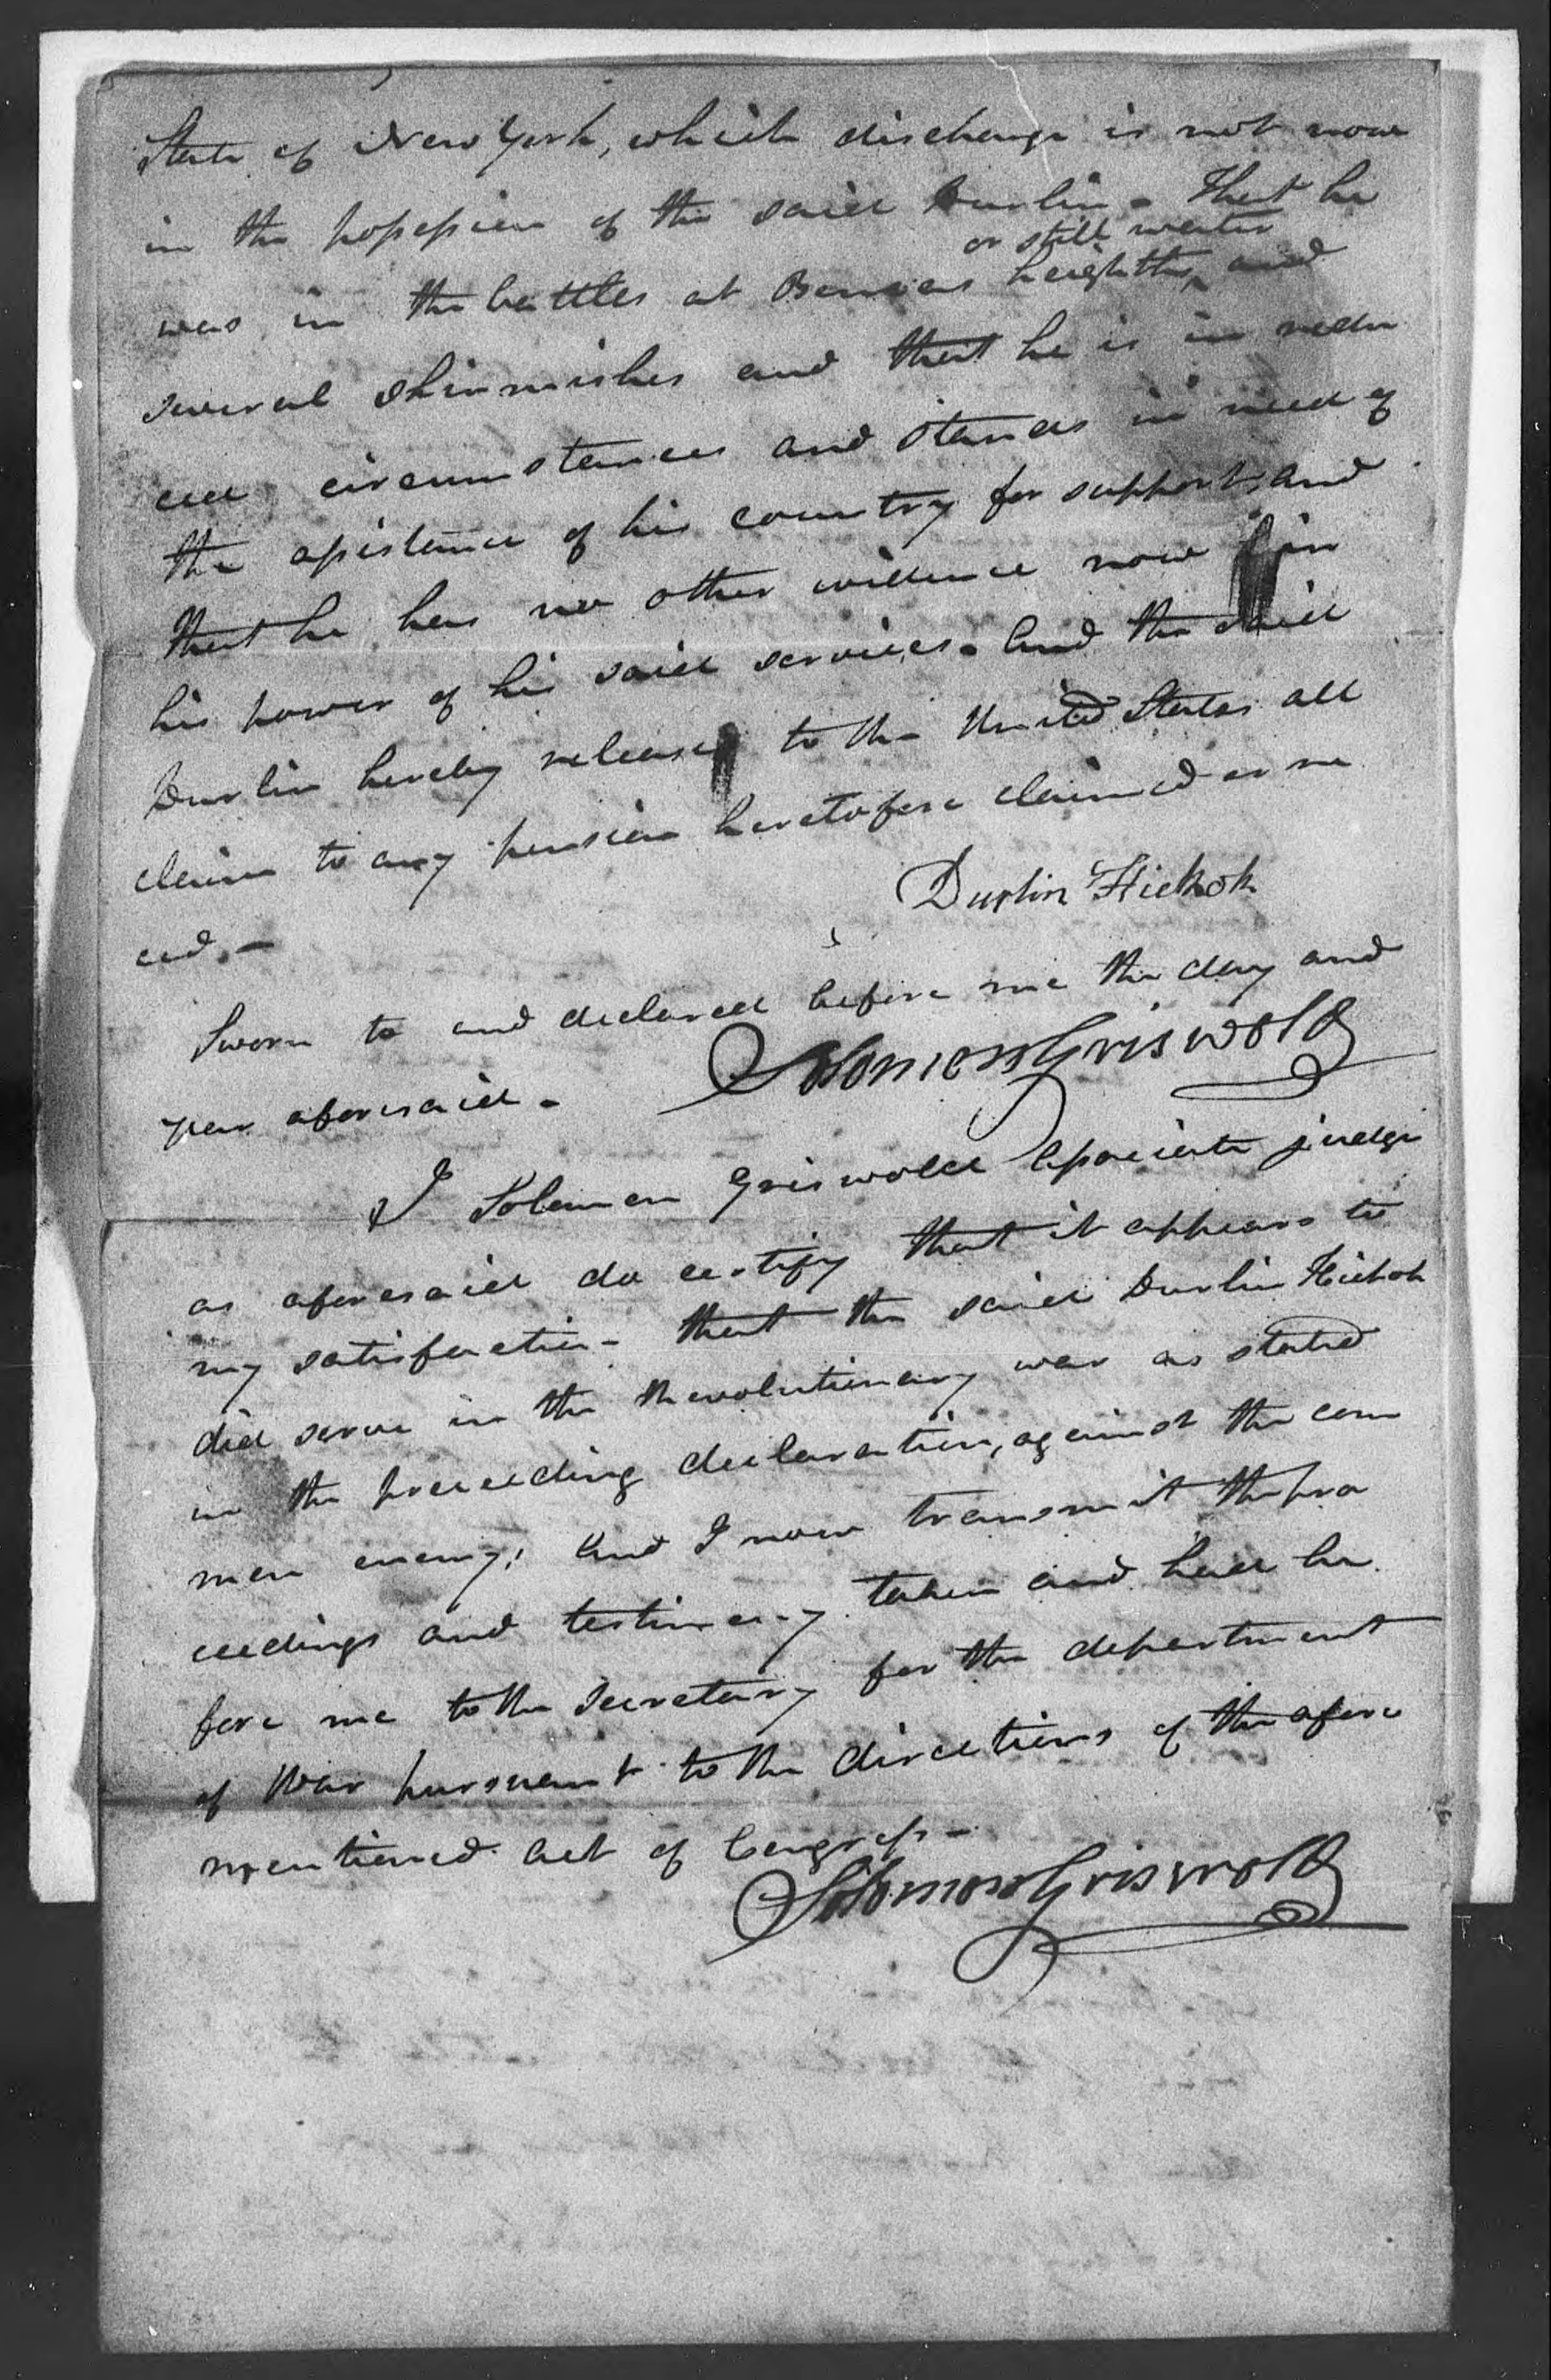State of New York, which discharge is not now in the possession of the said Durlin. That he was in the battles at Orange[?] or still water Leightts[?] and several skirmishes and that he is in reduced circumstances and stands in need of the assistance of his country for support, and that he has no other evidence now his power of his said services. And the said Durlin hereby releases to the United States all claim to any pension heretofore claimed as received[?]

[signature] Durlin Hickok

Sworn to and declared before me the day and year aforesaid. 

[signature] Solomon Griswold

I Solomon Griswold associate judge as aforesaid do certify that I appears to my satisfaction - that the said Durlin Hickok did serve in the Revolutionary war as stated in the preceeding declaration, against the common enemy, and I now transmit the proceedings and testimony taken and have before me to the Secretary for the department of War pursuant to the directions of the aforementioned act of Congress,

[signature] Solomon Griswold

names: Solomon Griswold, Solomon Griswold, Solomon Griswold, Durlin, Durlin Hickok, Durlin Hickok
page: 33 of 45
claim: widow's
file: W. 4988, Durlin Hickok, Mass.